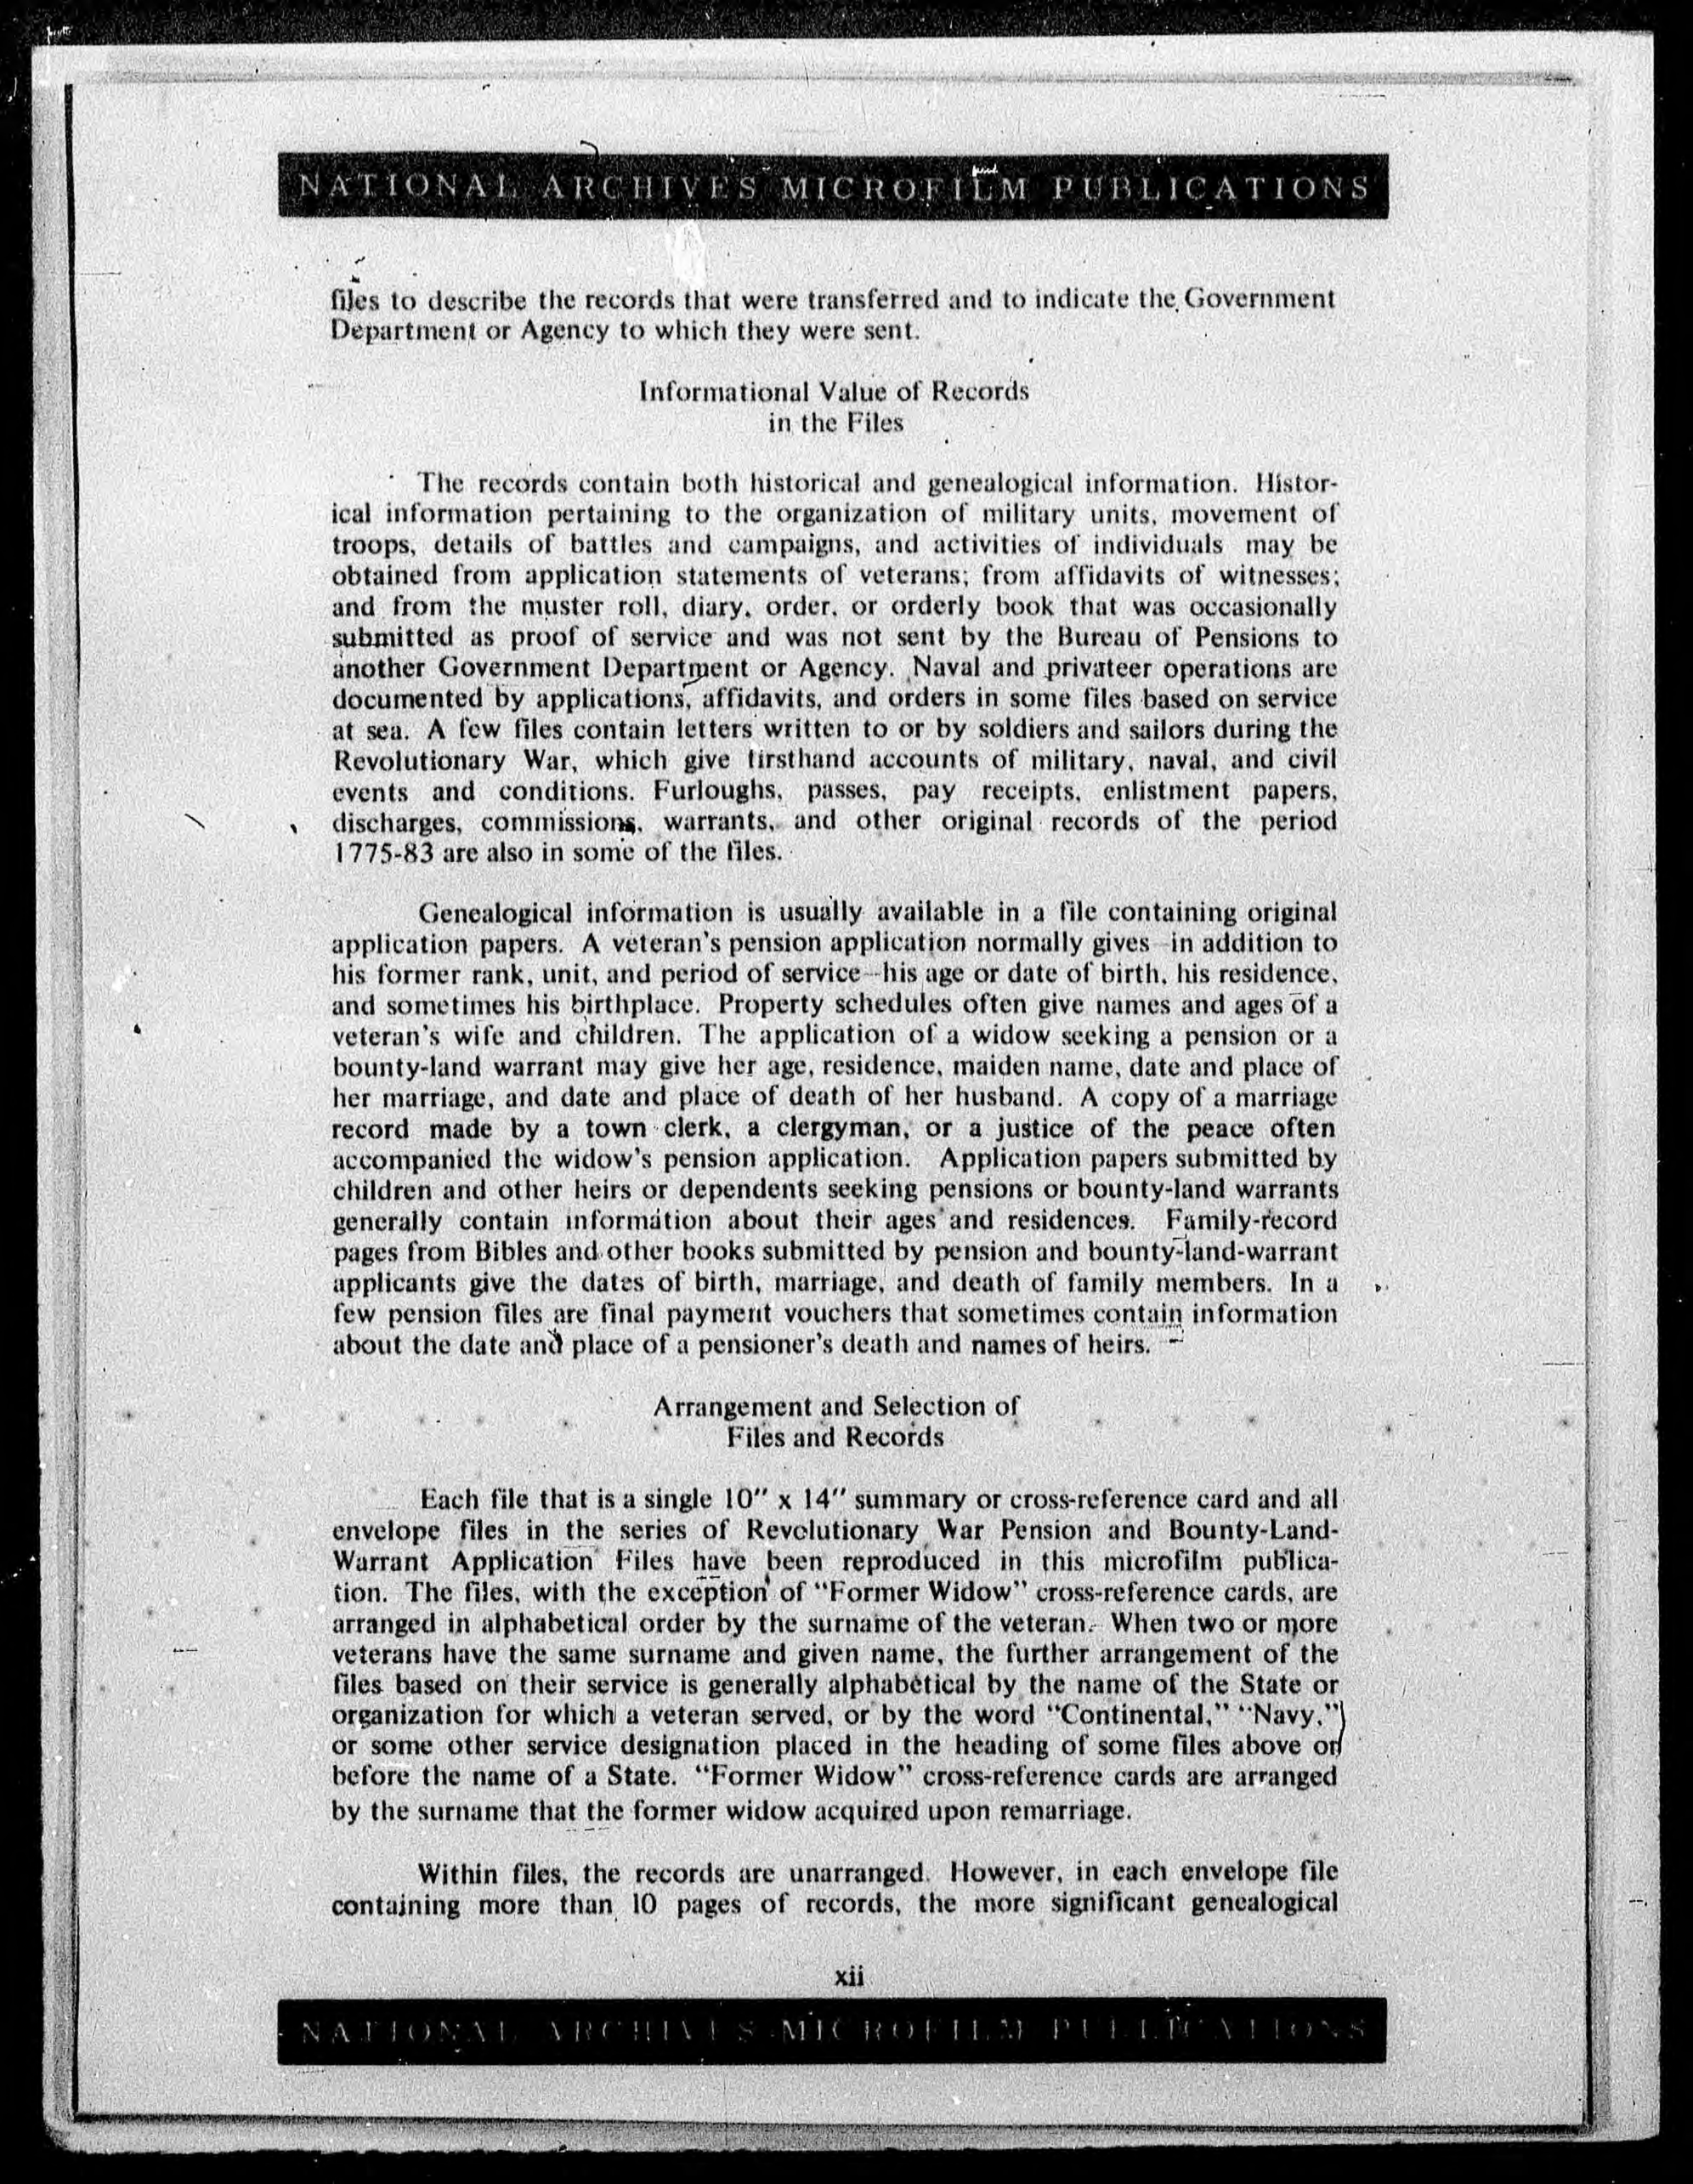files to describe the records that were transferred and to indicate the Government Department or Agency to which they were sent.
Informational Value Of Records in the Files
The records contain both historical and genealogical information. Historical information pertaining to the organization of military units, movement of troops, details of battles and campaigns, and activities of individuals may be obtained from application statements of veterans: from affidavits of witnesses: and from the muster roll, diary, order, or orderly book that was occasionally submitted as proof of service and was not sent by the Bureau of pensions to another Government Department or Agency. Naval and privateer operations are documented by applications, affidavits, and orders in some files bases on service at sea. A few files contain letters written to or by soldiers and sailors during the Revolutionary War, which give firsthand accounts of military, naval, and civil events and conditions. Furloughs, passes, pay receipts, enlistment papers, discharges, commissions, warrants, and other original records of the period 1775-83 are also in some of the files.
Genealogical information is usually available in a file containing original application papers. A veteran's pension application normally gives in addition to his former rank, unit, and period of service - his age or date of birth, his residence, and sometimes his birthplace. Property schedules often give names and ages of a veteran's wife and children. The application of a widow seeking a pension or a bounty-land warrant may give her age, residence, maiden name, date and place of her marriage, and date and place of death of her husband. A copy of a marriage record made by a town clerk, a clergyman, or a justice of the peace often accompanied the widow's pension application. Application papers submitted by children and other heirs or dependents seeking pension or bounty-land warrants generally contain information about their ages and residences. Family-record pages from Bibles and other books submitted by pension and bounty-land-warrant applications give the dates of birth, marriage, and death of family members. In a few pension files are final payment vouchers that sometimes contain information about the date and place of a pensioner's death and names of heirs.
Arrangement and Selection of Files and Records
Each file that is a single 10" x 14" summary or cross-reference card and all envelope files in the series of Revolutionary War Pension and Bounty-Land-Warrant Application Files have been reproduced in this microfilm publication. The files, with the exception of "Former Widow" cross-reference cards, are arranged in alphabetical order by the surname of the veteran. When two or more veterans have the same surname and given name, the further arrangement of the files based on their service is generally alphabetical by name of the State or organization for which a veteran served, or by the word "Continental," "Navy," or some other service designation placed in the heading of some files above or before the name of a State. "Former Widow" cross-reference cards are arranged by the surname that the former widow acquired upon remarriage.
Within files, the records are unarranged. However, in each envelope file containing more than 10 pages of records, the more significant genealogical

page: 11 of 59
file: Revolutionary War Pension and Bounty Land Warrant Application File